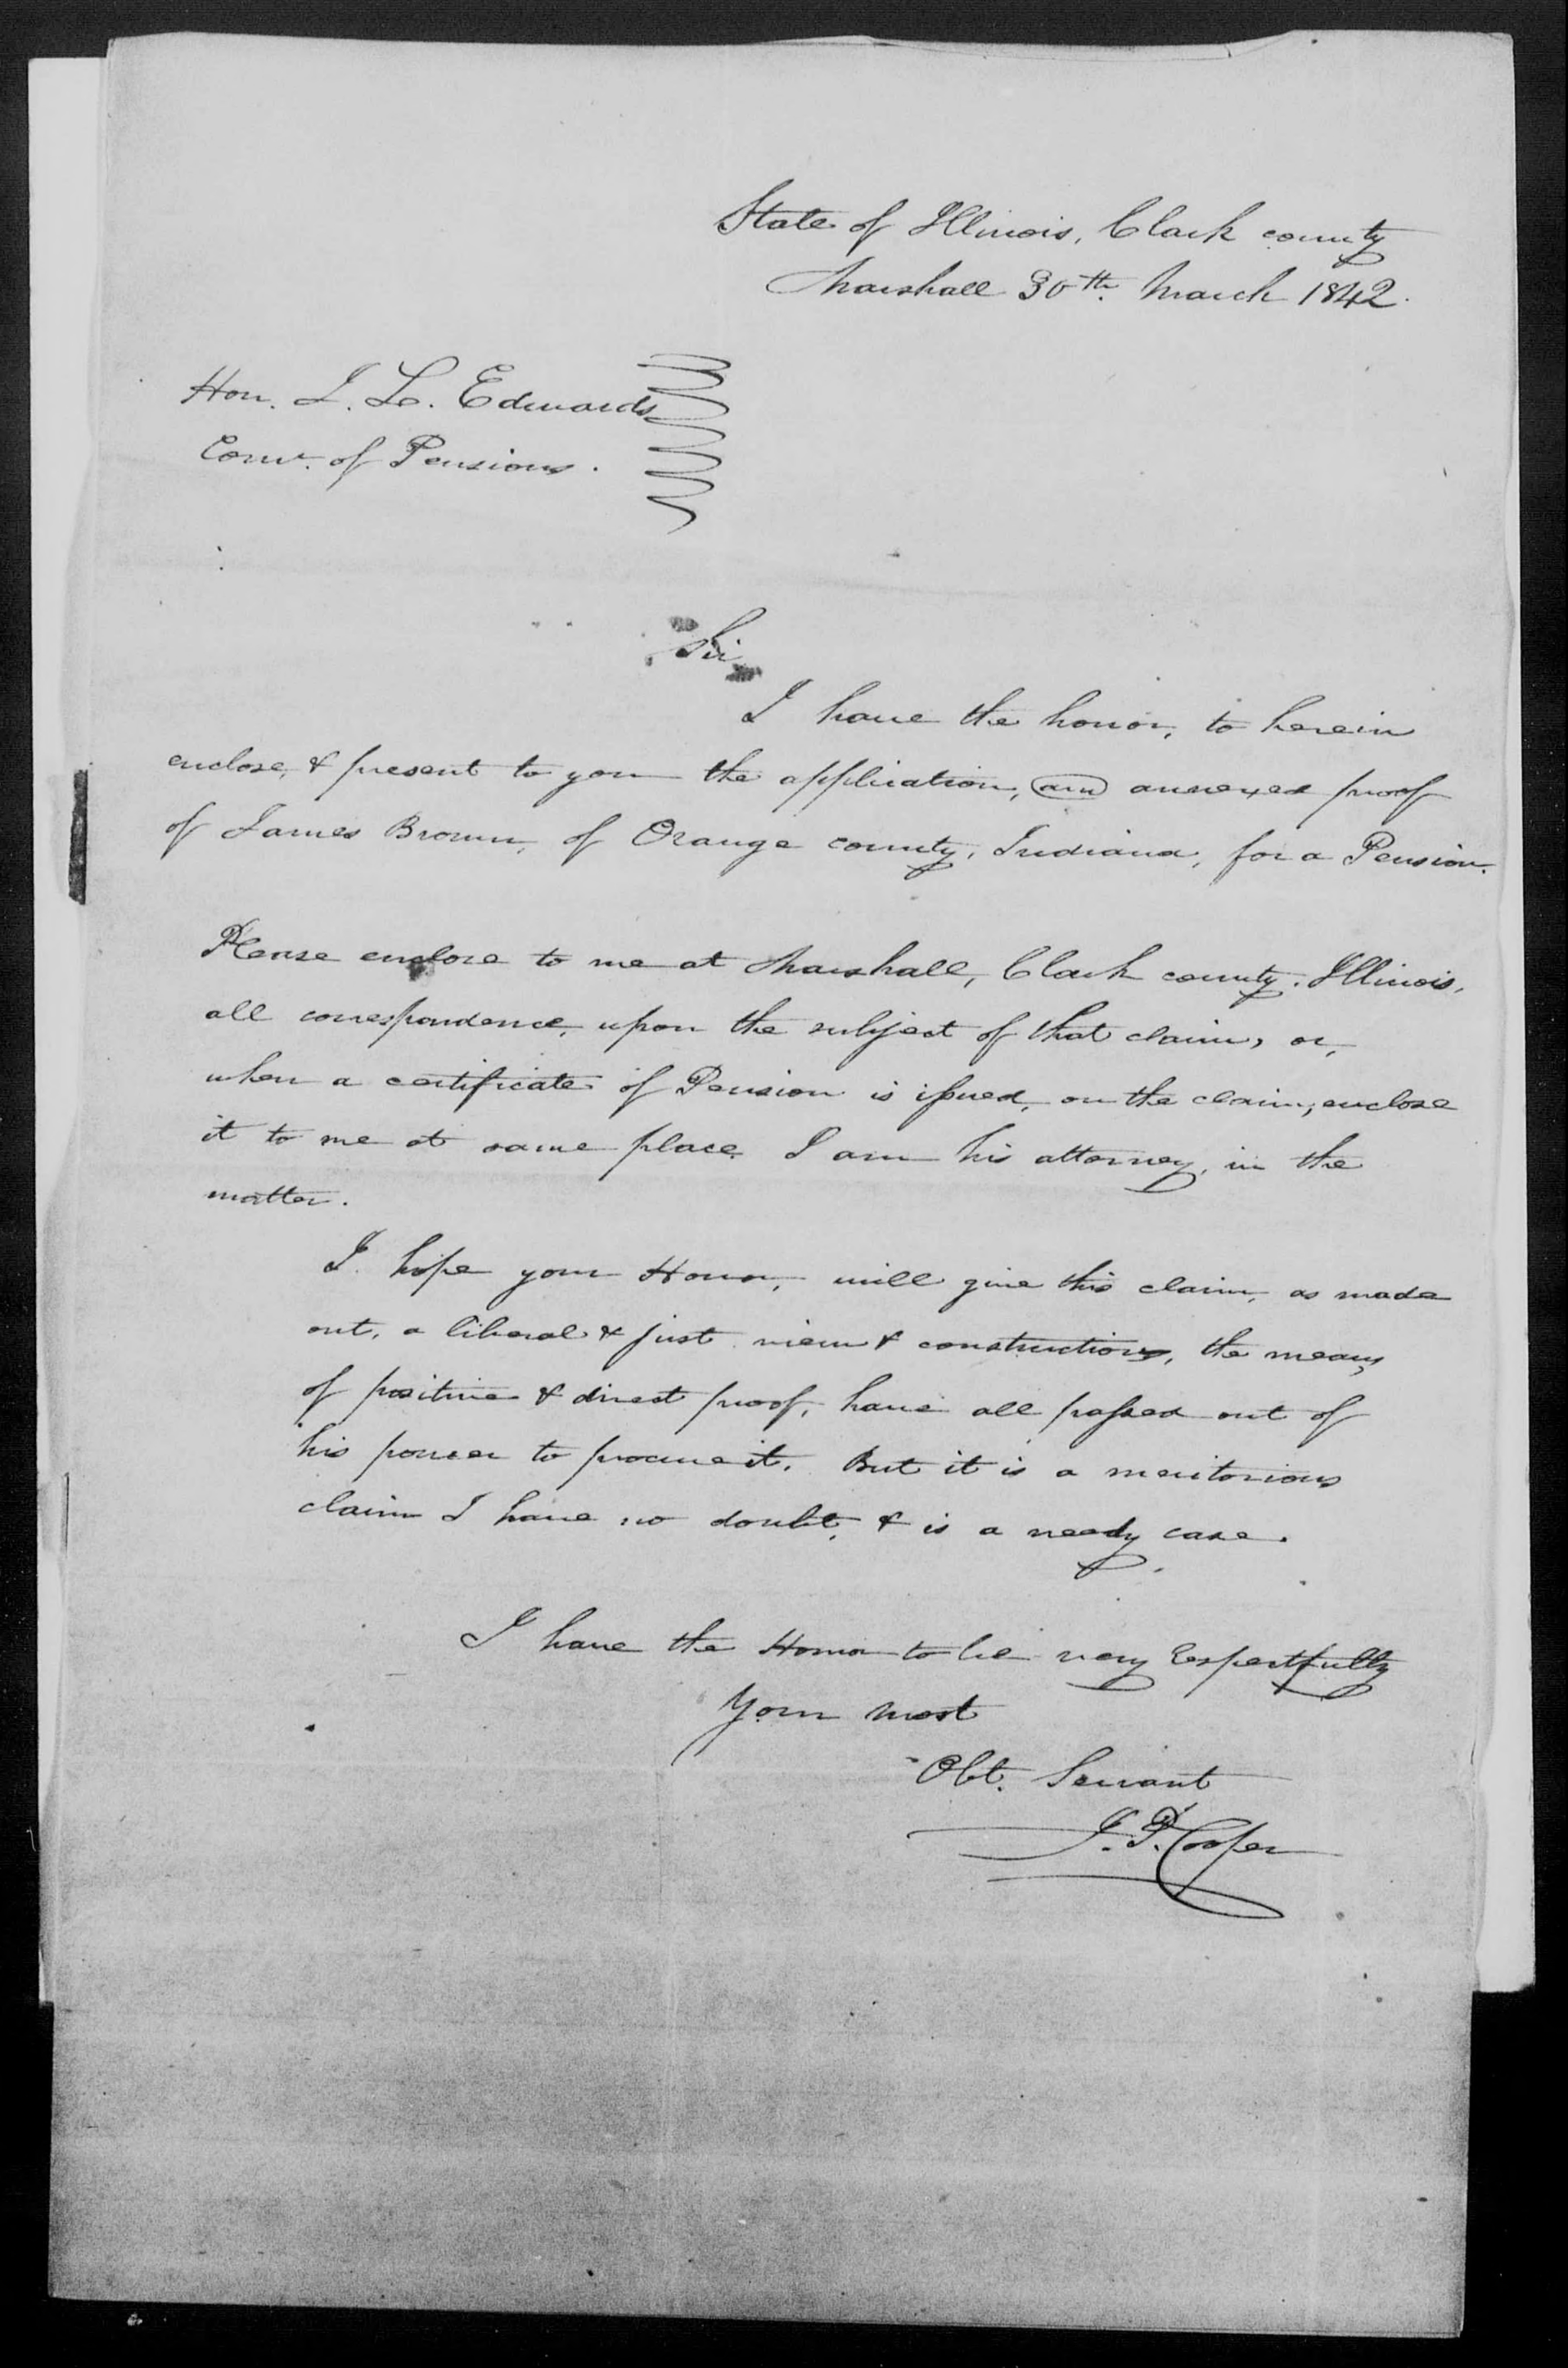State of Illinois, Clark County
Marshall 30th March 1842.
Hon. J. L. Edward
Comr of Pensions
Sir
I have the honor, to herein enclose & present to you the application, and annexed proof of James Brown, of Orange County, Indiana, for a Pension
Please enclose to me at Marshall, Clark County, Illinois, all correspondence upon the subject of that claim, or when a certificate of Pension is issued on the claim, enclose it to me at same place I am his attorney, in the matter.
I hope your Honor will give this claim, as made out, a liberal & just view & construction, the means of positive & direct proof, have all passed out of
his power to procure it. But it is a meritorious claim I have no doubt, & is a needy case.
I have the honor to be very respectfully
Your most Obt. Servant
J. P. Cooper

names: James Brown, J L Edwards, J P Cooper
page: 37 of 41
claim: rejected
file: R. 1309, James Brown, S.C.